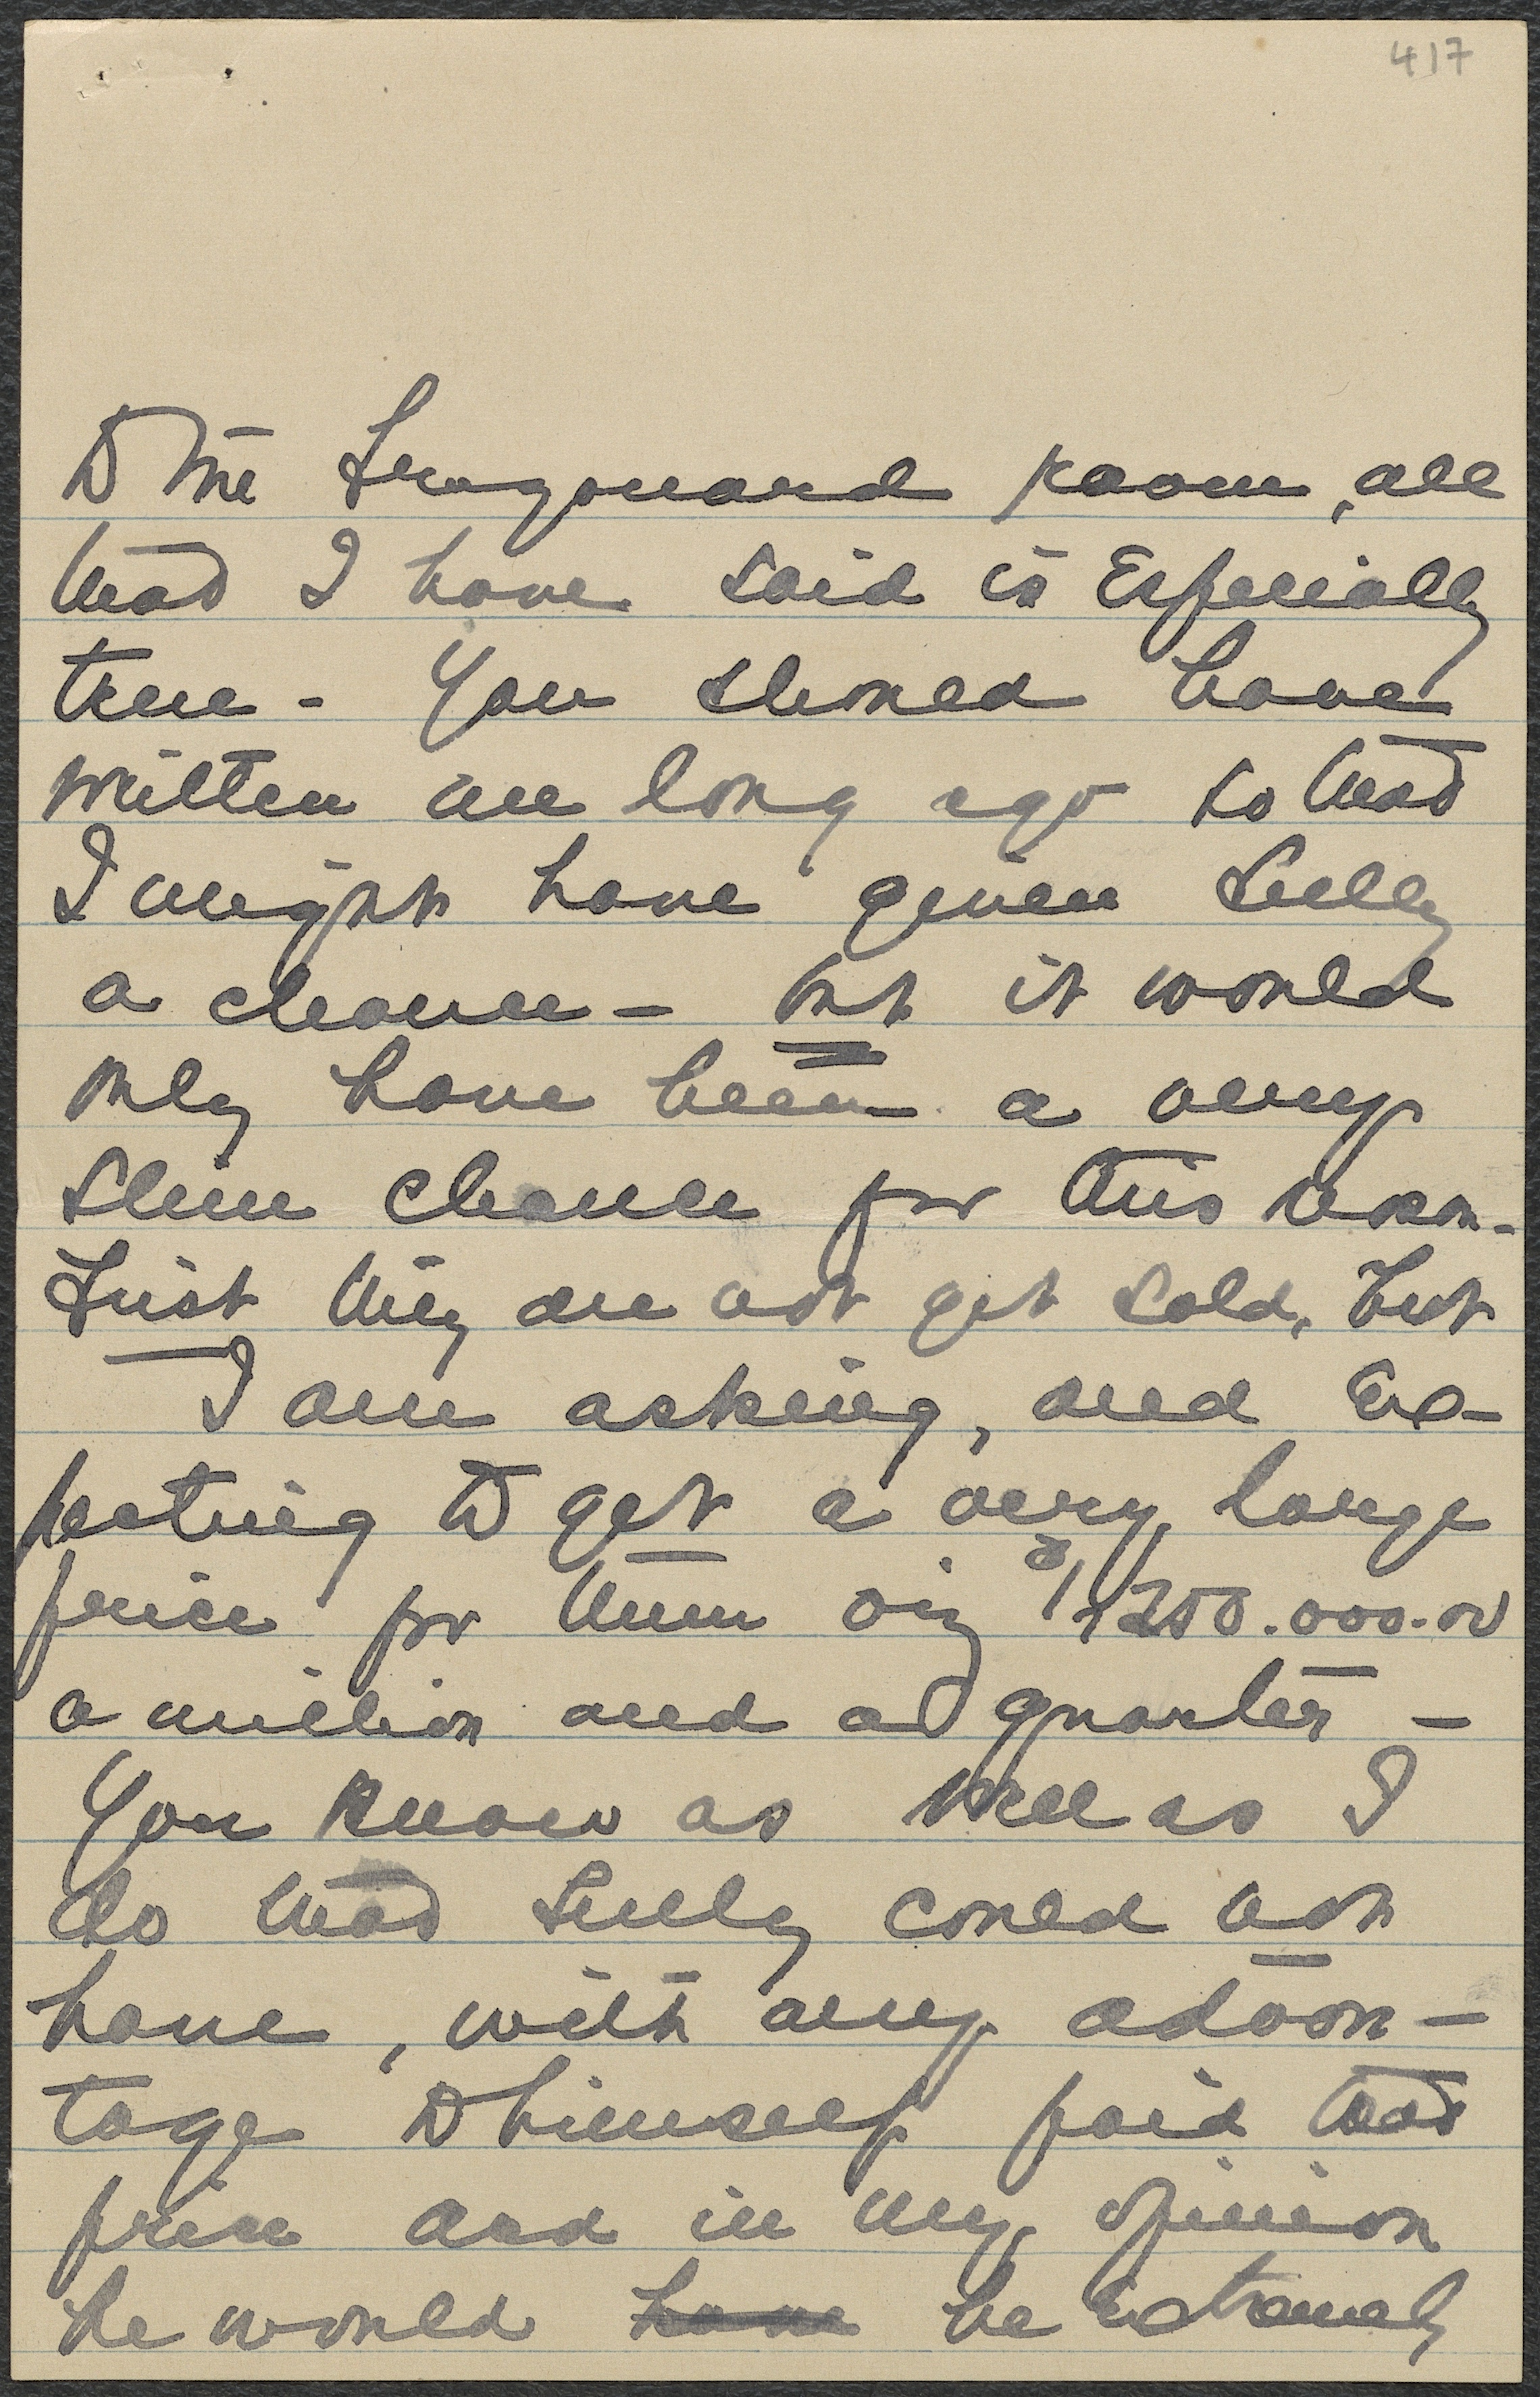to the Fragonard room, all that I have said is especially true – You should have written me long ago so that I might have given Sully a chance – [double underlined: but] it would only have been a very slim chance for this reason. First they are not yet sold, but I am asking, and expecting to get a very large price for them viz $1,250.000 or a million and a quarter – You know as well as I do that Sully could not have, with any advantage to himself paid that price and in my opinion he would have be extremely